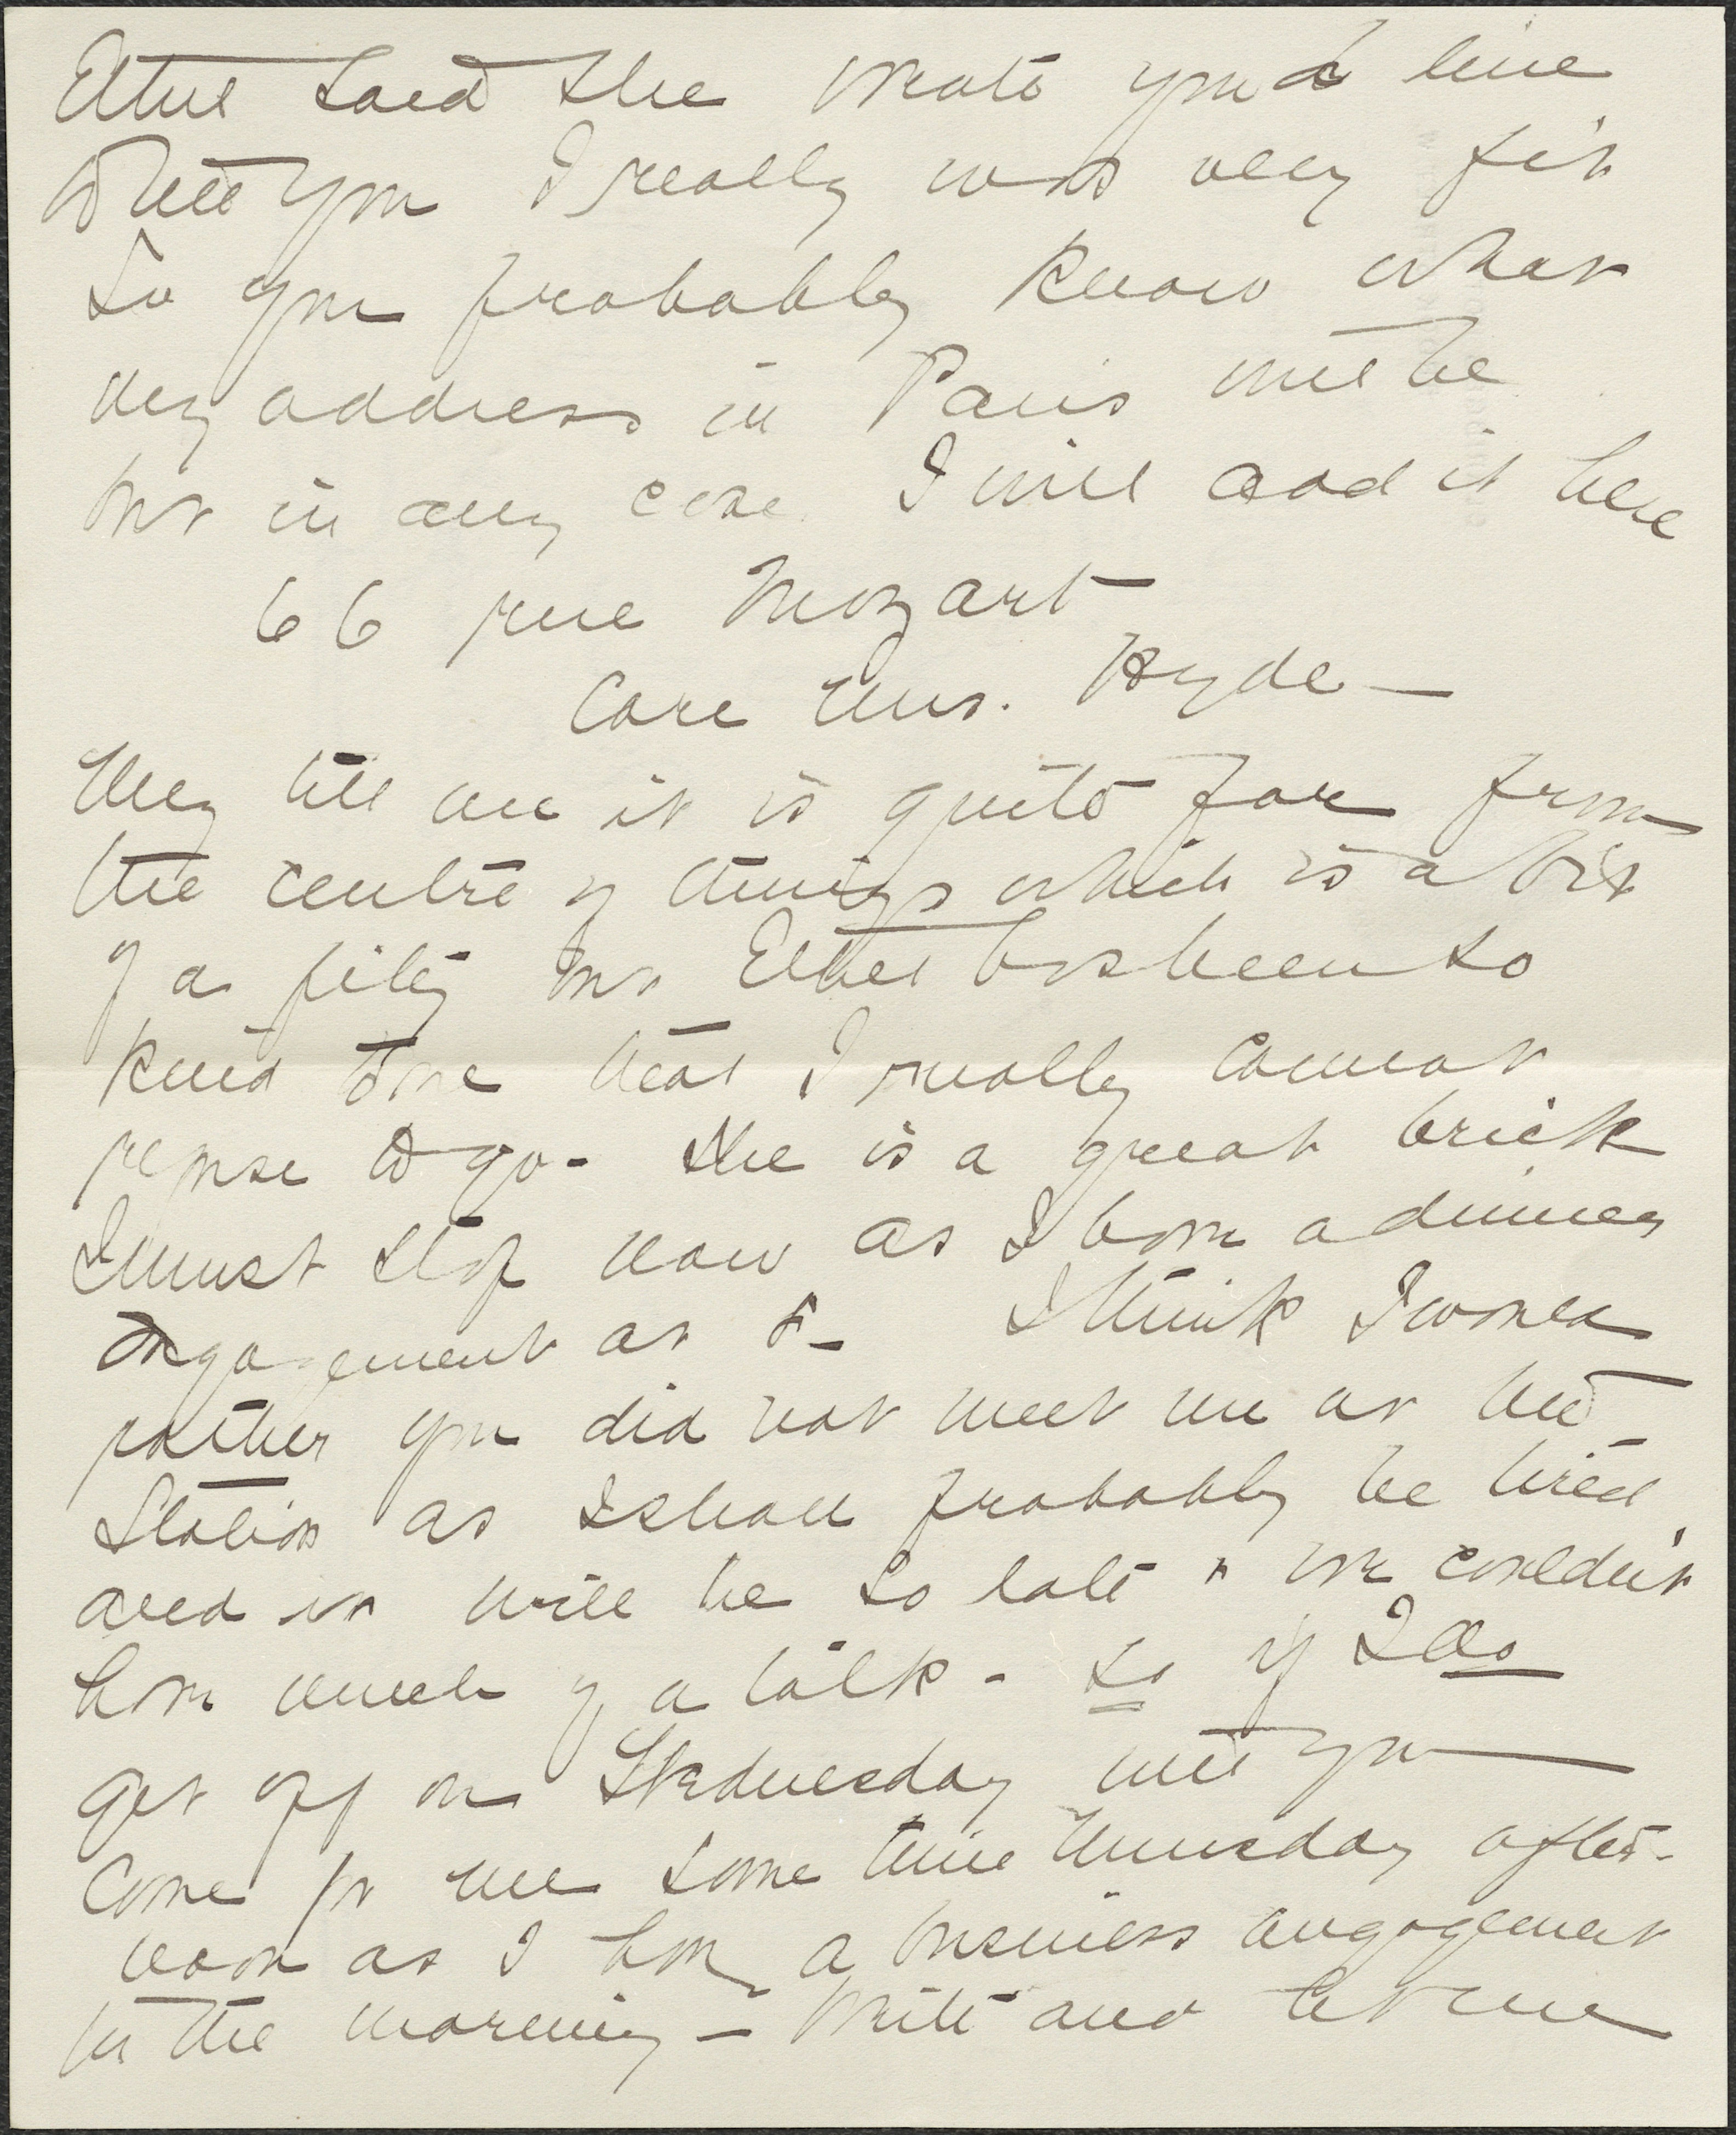Ethel said she wrote you a line to see you I really was very fit so you probably know what my address in Paris will be but in any case I will add it here
66 rue Mozart
care Mrs. Hyde –
They tell me it is quite far from the centre of things which is a bit of a pity but Ethel has been so kind to me that I really cannot refuse to go – She is a great brick
I must stop now as I have a dinner engagement at 8 – I think I would rather you did not meet me at the Station as I shall probably be tired and it will be so late & we couldn’t have much of a talk – so if I do get off on Wednesday will you come for me some time Thursday afternoon as I have a business engagement in the morning – Write and let me